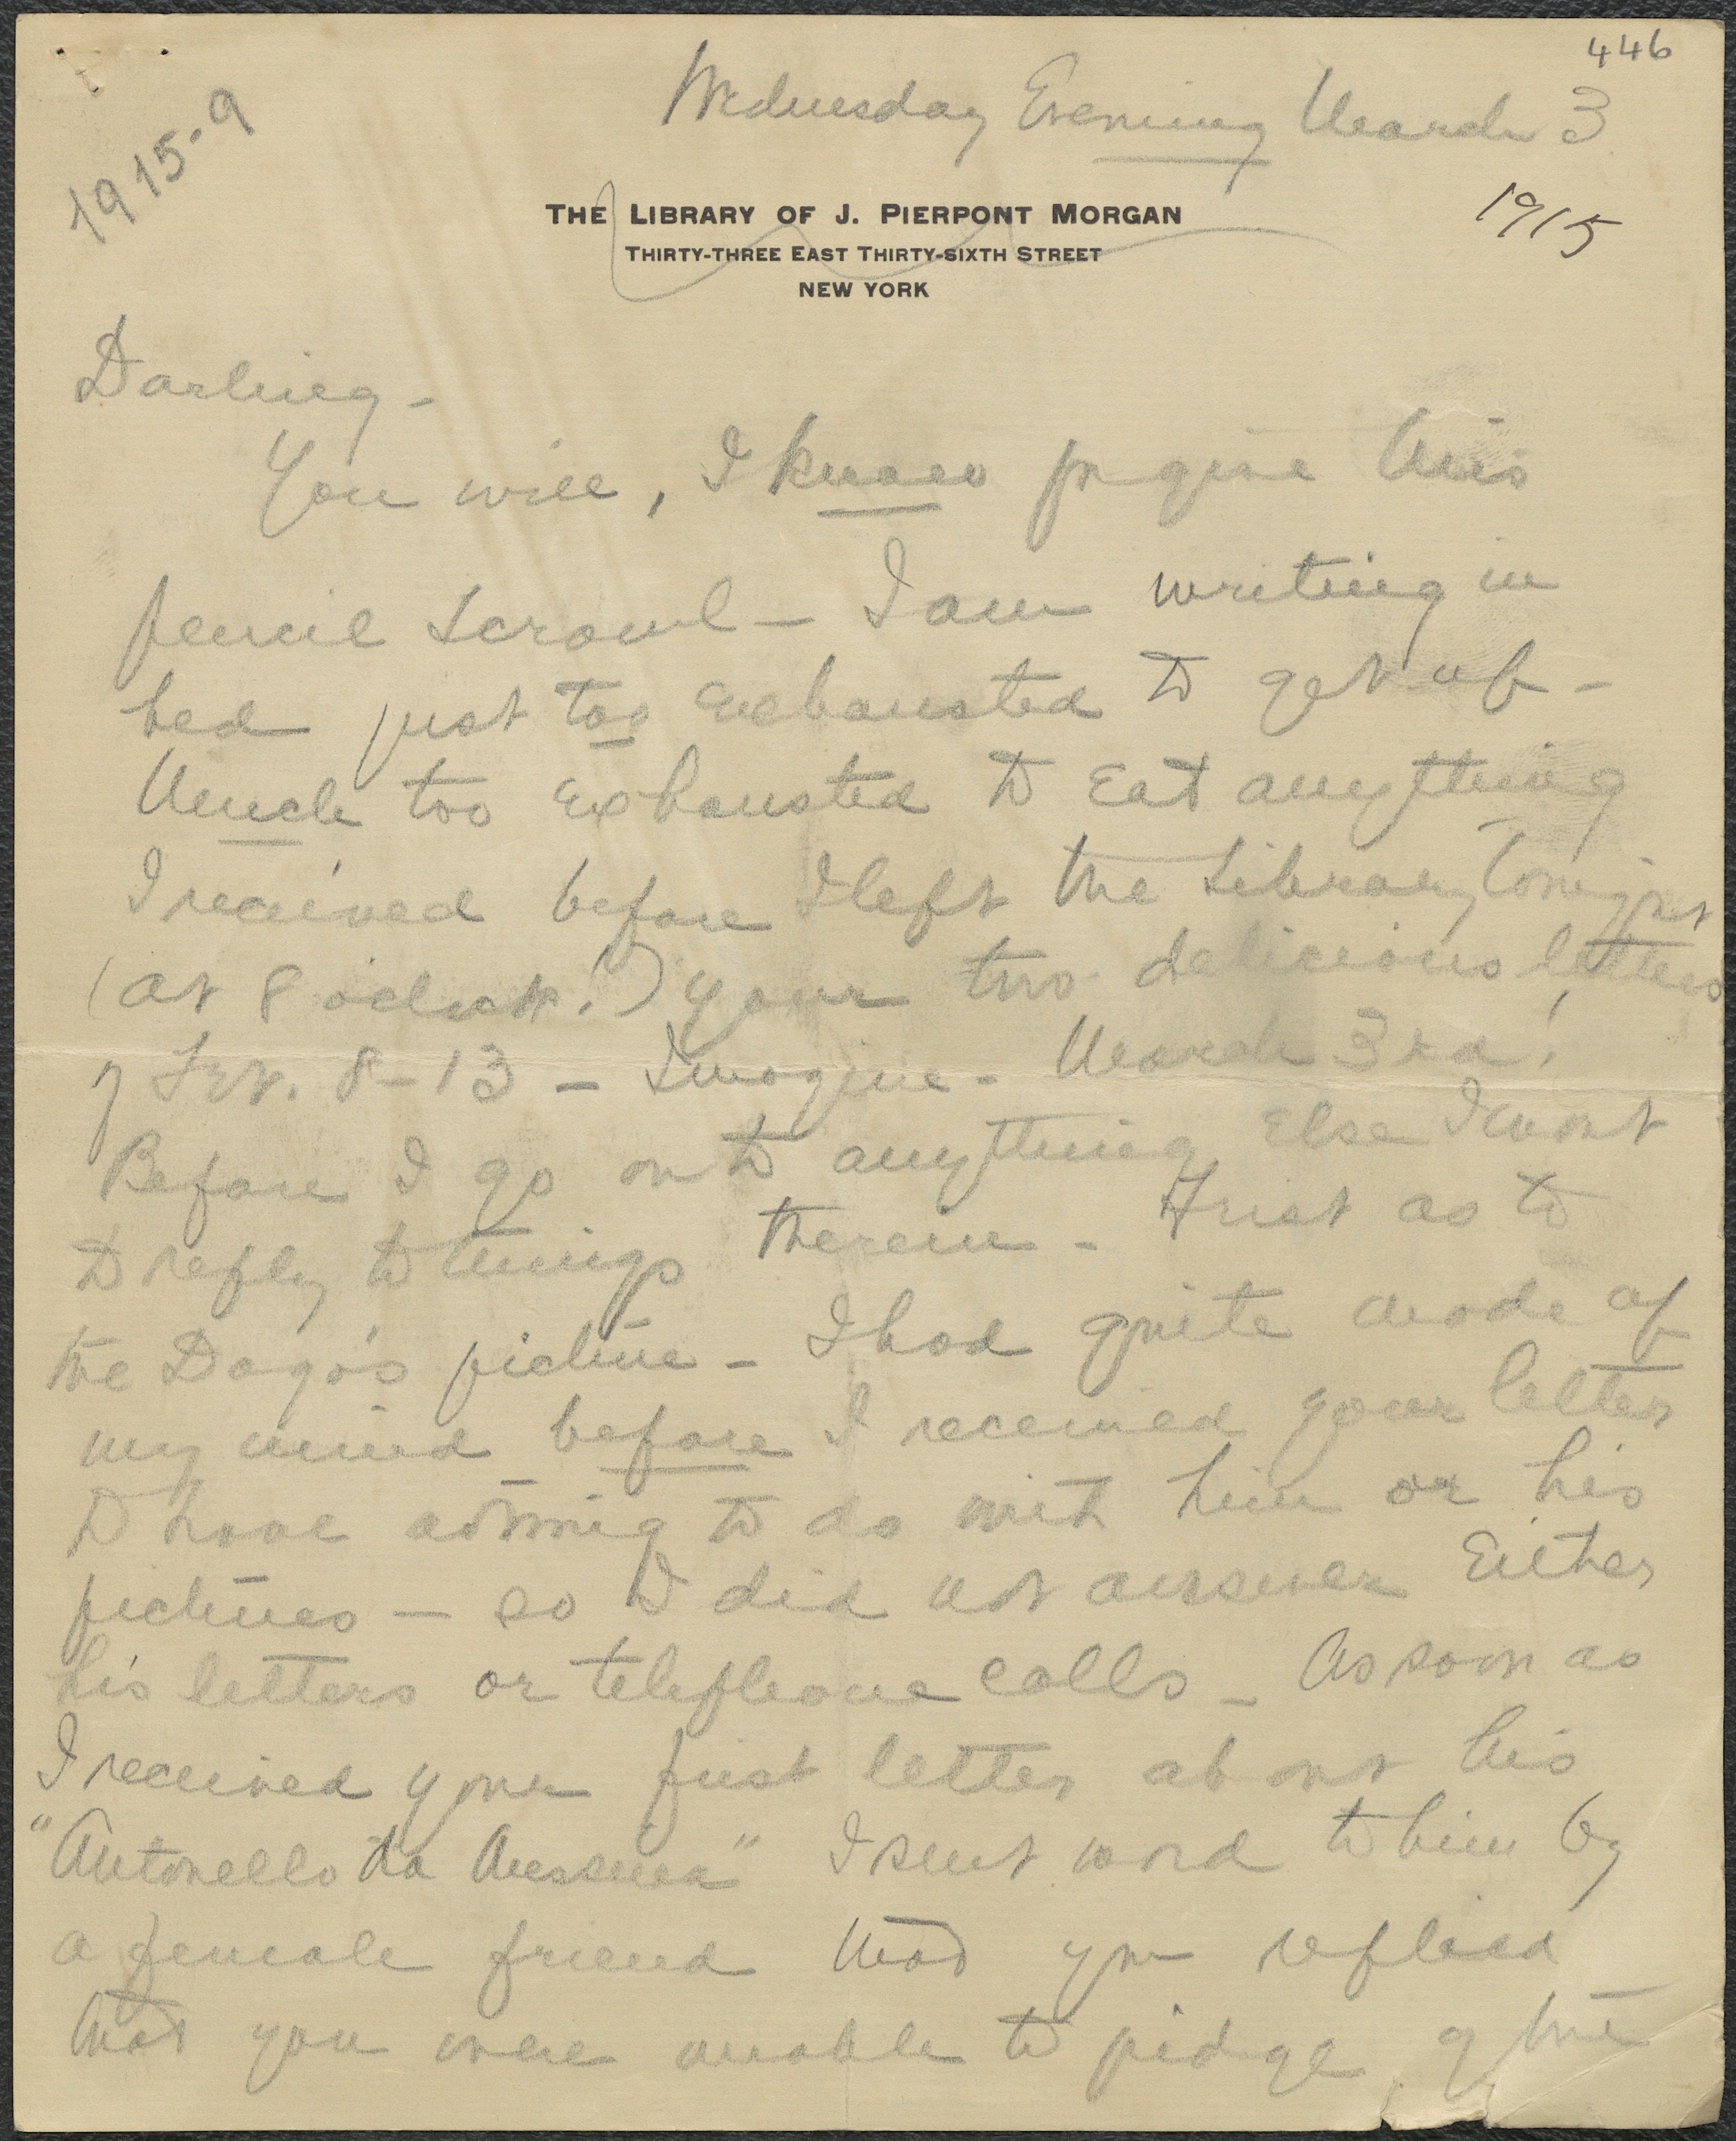Wednesday evening Mar. 3
Darling –
You will, I know forgive this pencil scrawl – I am writing in bed just too exhausted to get up – Much too exhausted to eat anything I received before I left the Library tonight (at 8 o’clock!) your two delicious letters of Feb. 8–13 – imagine – March 3rd! Before I go on to anything else I want to reply to things therein – First as to the Dago’s picture – I had quite made up my mind before I received your letter to have nothing to do with him or his pictures – so I did not answer either his letters or telephone calls – as soon as I received your first letter about his “Antonello da Messina” I sent word to him by a female friend that you replied that you were unable to judge of the